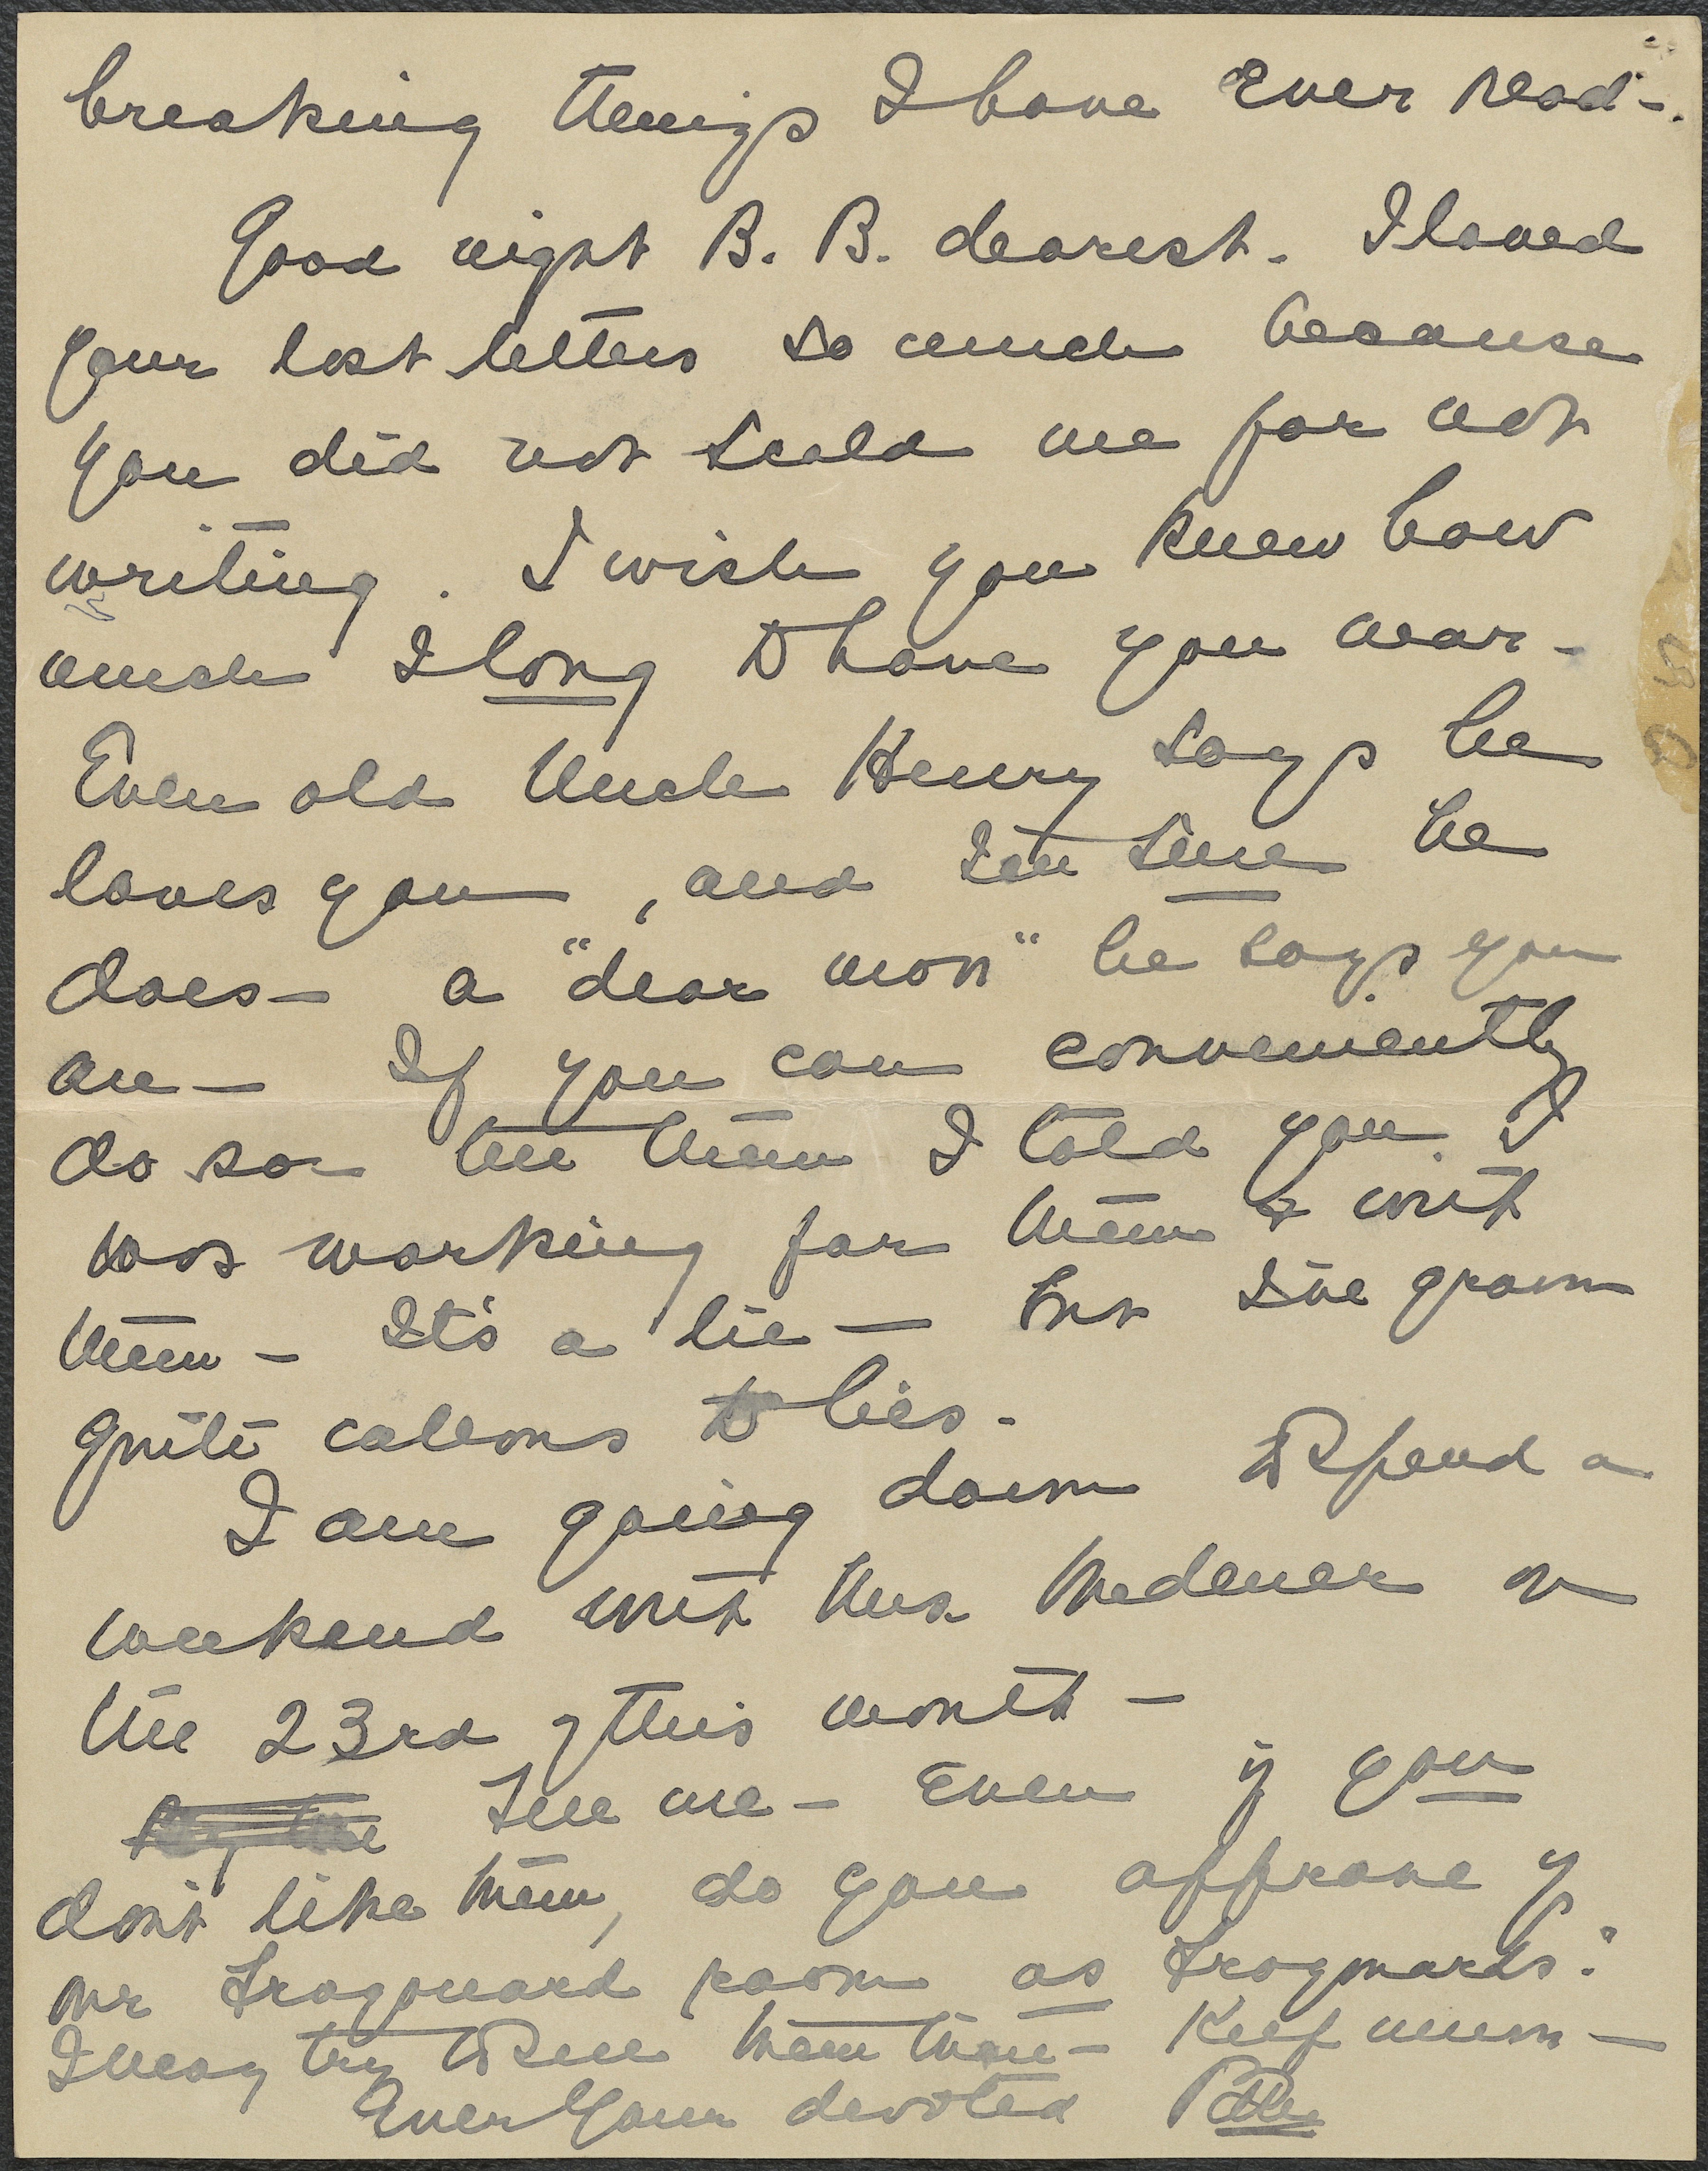things I have ever read –
Good night B.B. dearest – I loved your last letters so much because you did not scold me for not writing. I wish you knew how much I long to have you near –
Even old Uncle Henry says he loves you, and I am sure he does – a “dear man” he says you are – If you can conveniently do so tell them I told you I was working for them & with them – It’s a lie – but I’ve grown quite callous to lies.
I am going down to spend a weekend with Mrs. Widener on the 23rd of this month –
By the Tell me – even if you don’t like them, do you approve of our Fragonard room as Fragonards? I may try to sell them then – Keep mum –
Ever Your devoted Belle